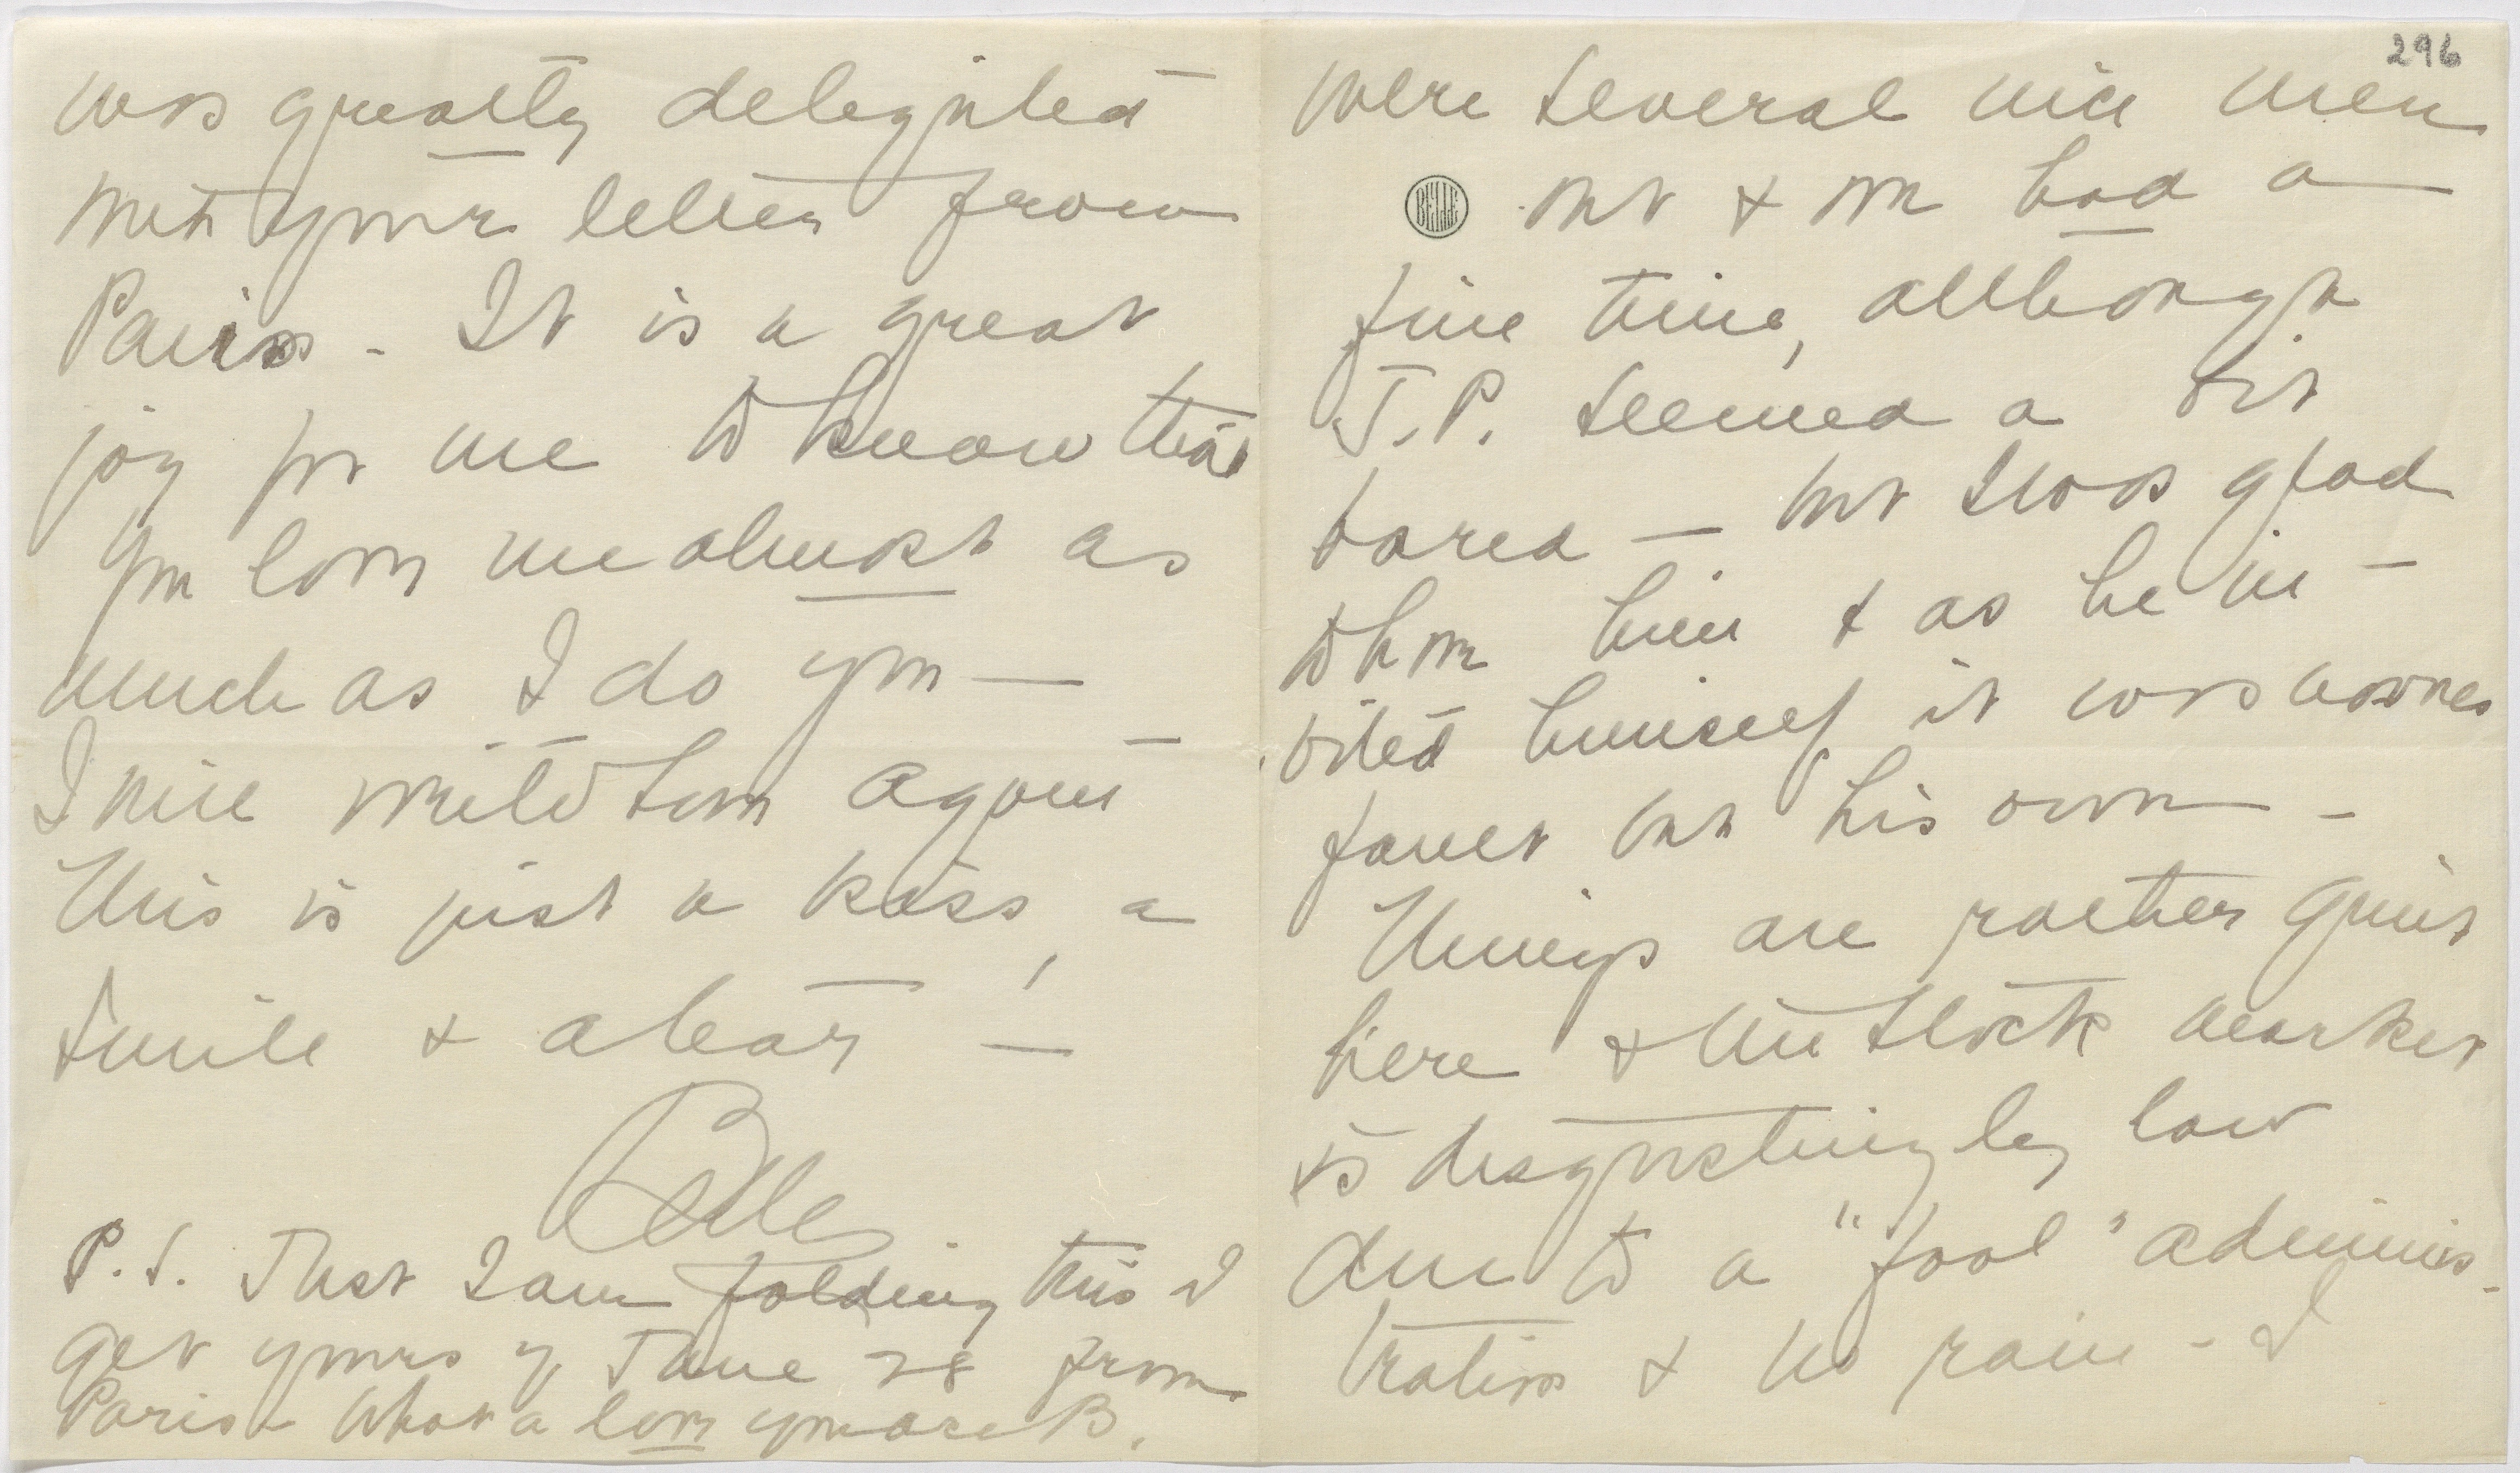were several nice men out & we had a fine time, although J.P. seemed a bit bored – but I was glad to have him & as he invited himself it was noones [sic] fault but his own –
Things are rather quiet here & the stock market is disgustingly low due to a “fool” administration & no rain – I
was greatly delighted with your letter from Paris – It is a great joy for me to know that you love me almost as much as I do you – I will write some again
This is just a kiss, a smile & a tear –
Belle.
P.S. Just I am folding this I get yours of June 28 from Paris – what a love you are B.